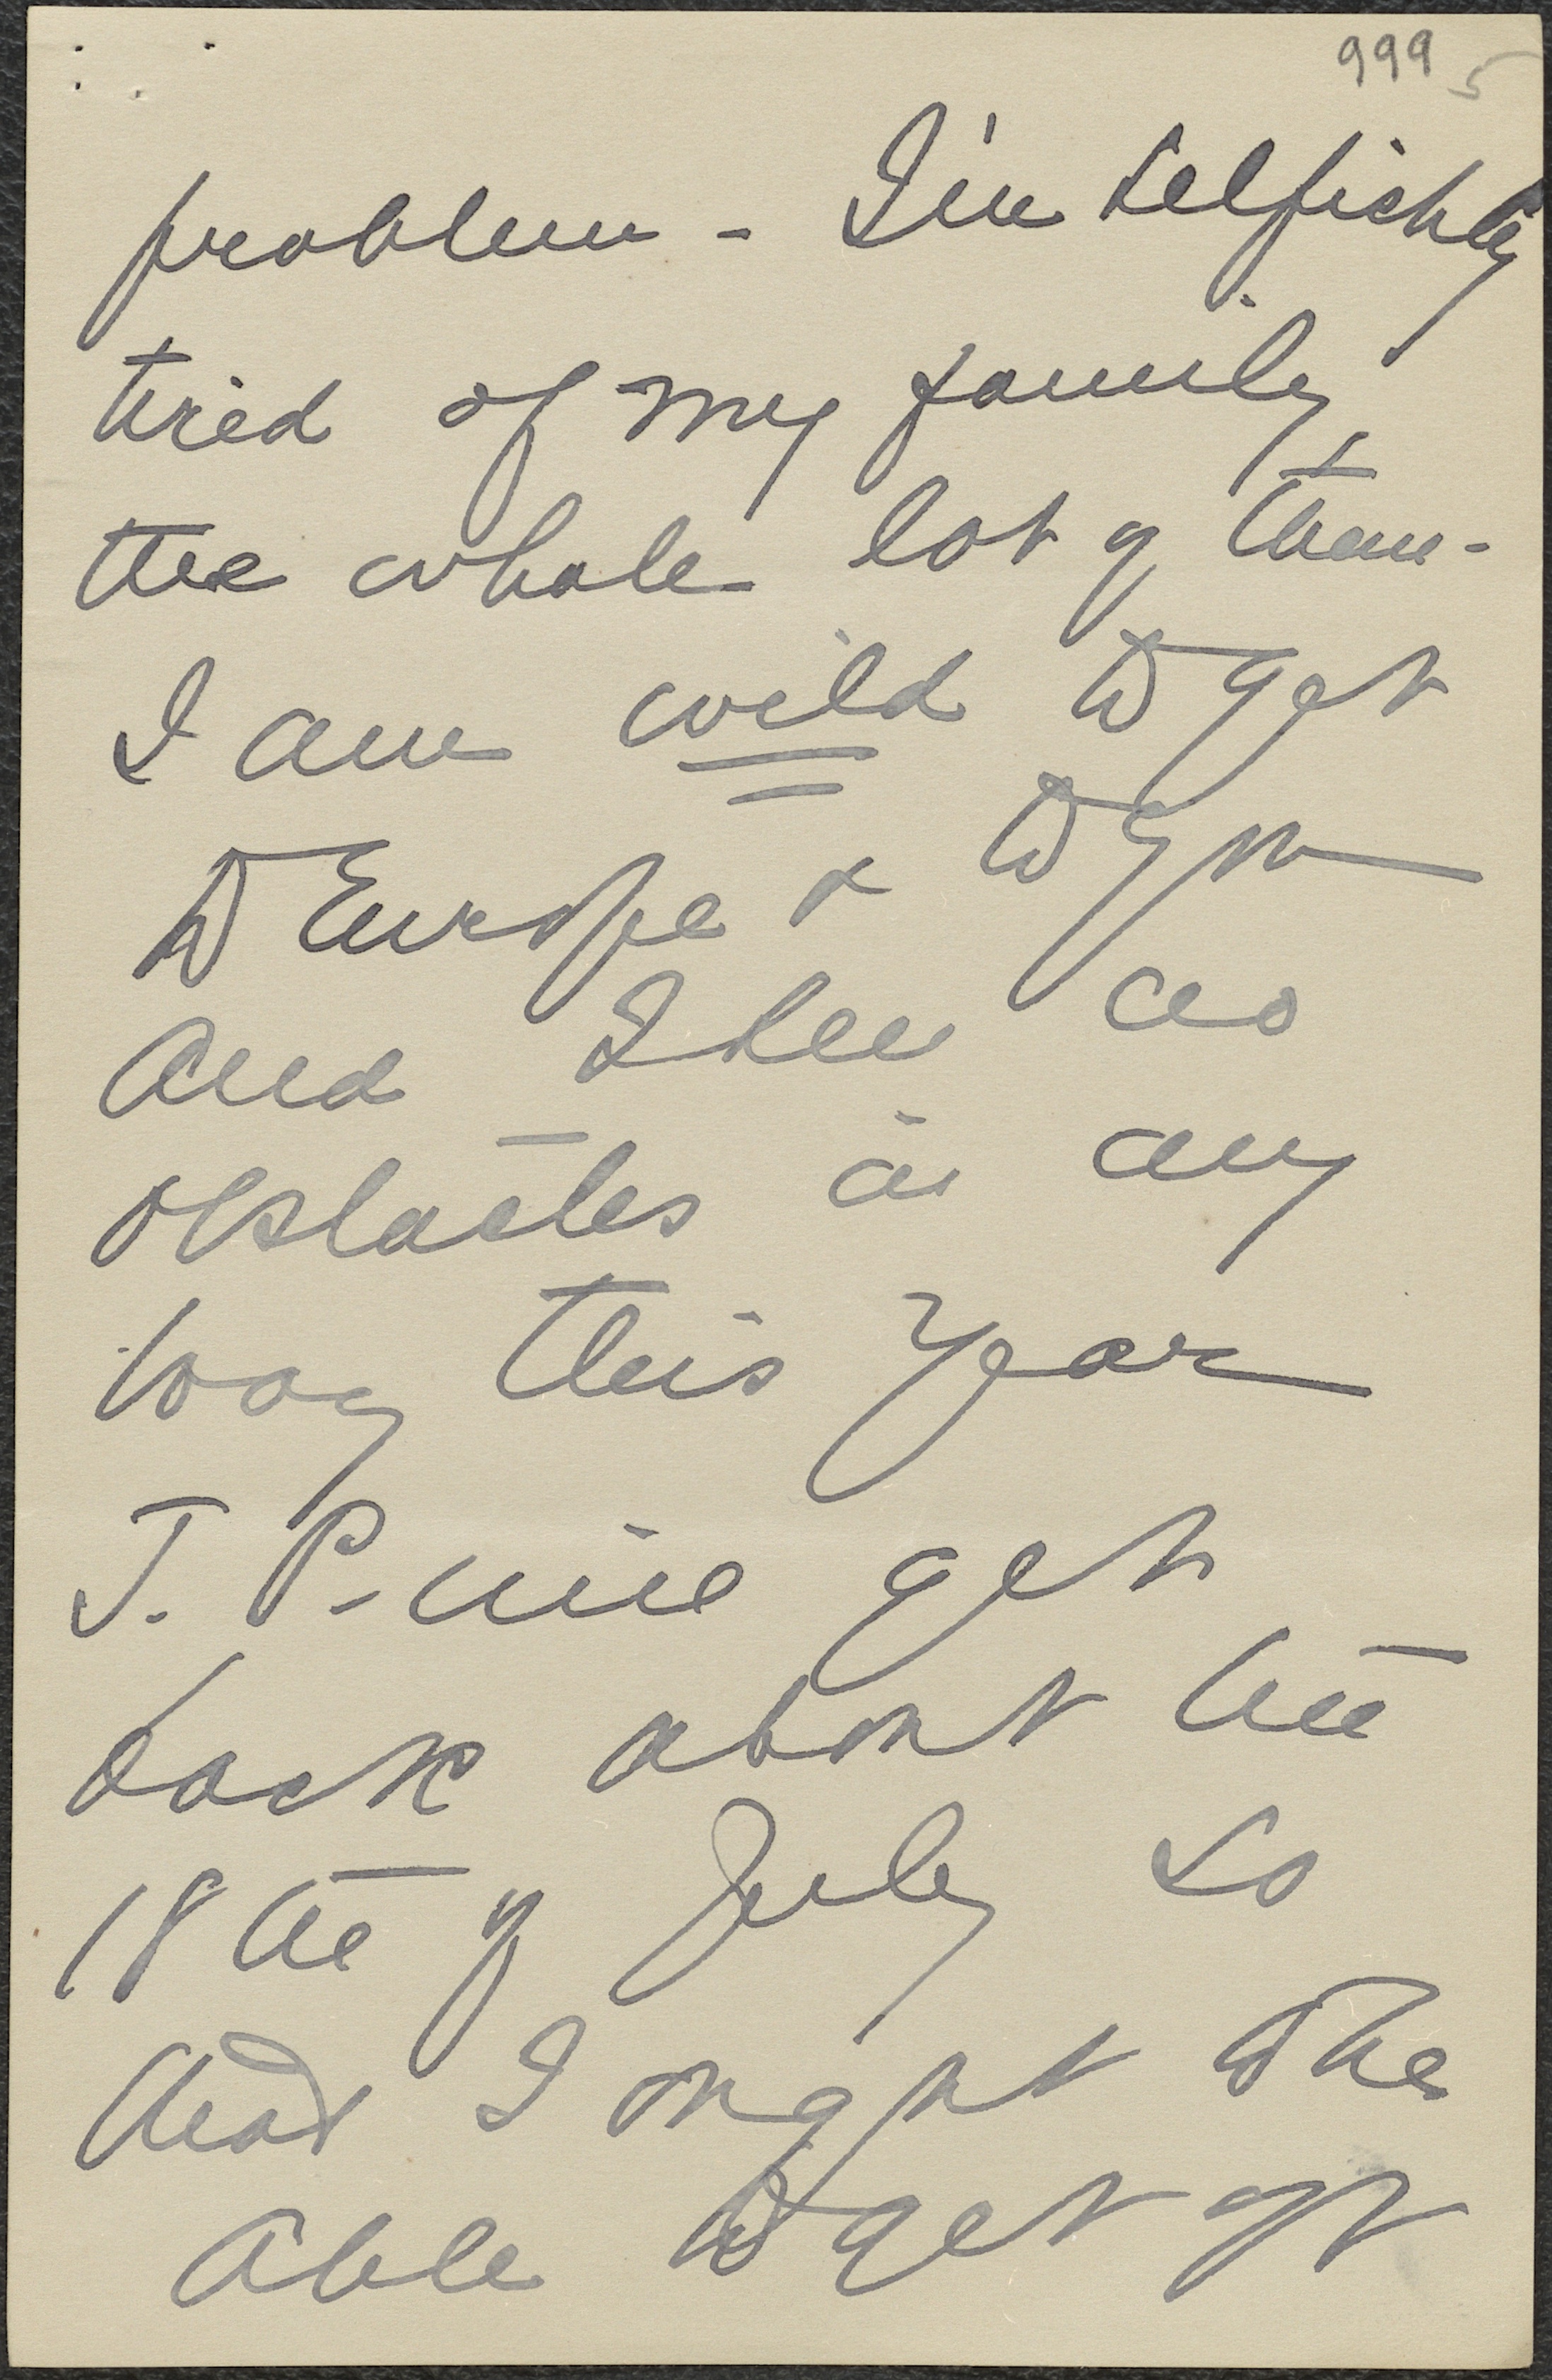problem – I’m selfishly tired of my family, the whole lot of them –
I am [double underlined: wild] to get to Europe & to you and I see no obstacles in my way this year J. P. will get back about the 18th of July so that I ought to be able to get off